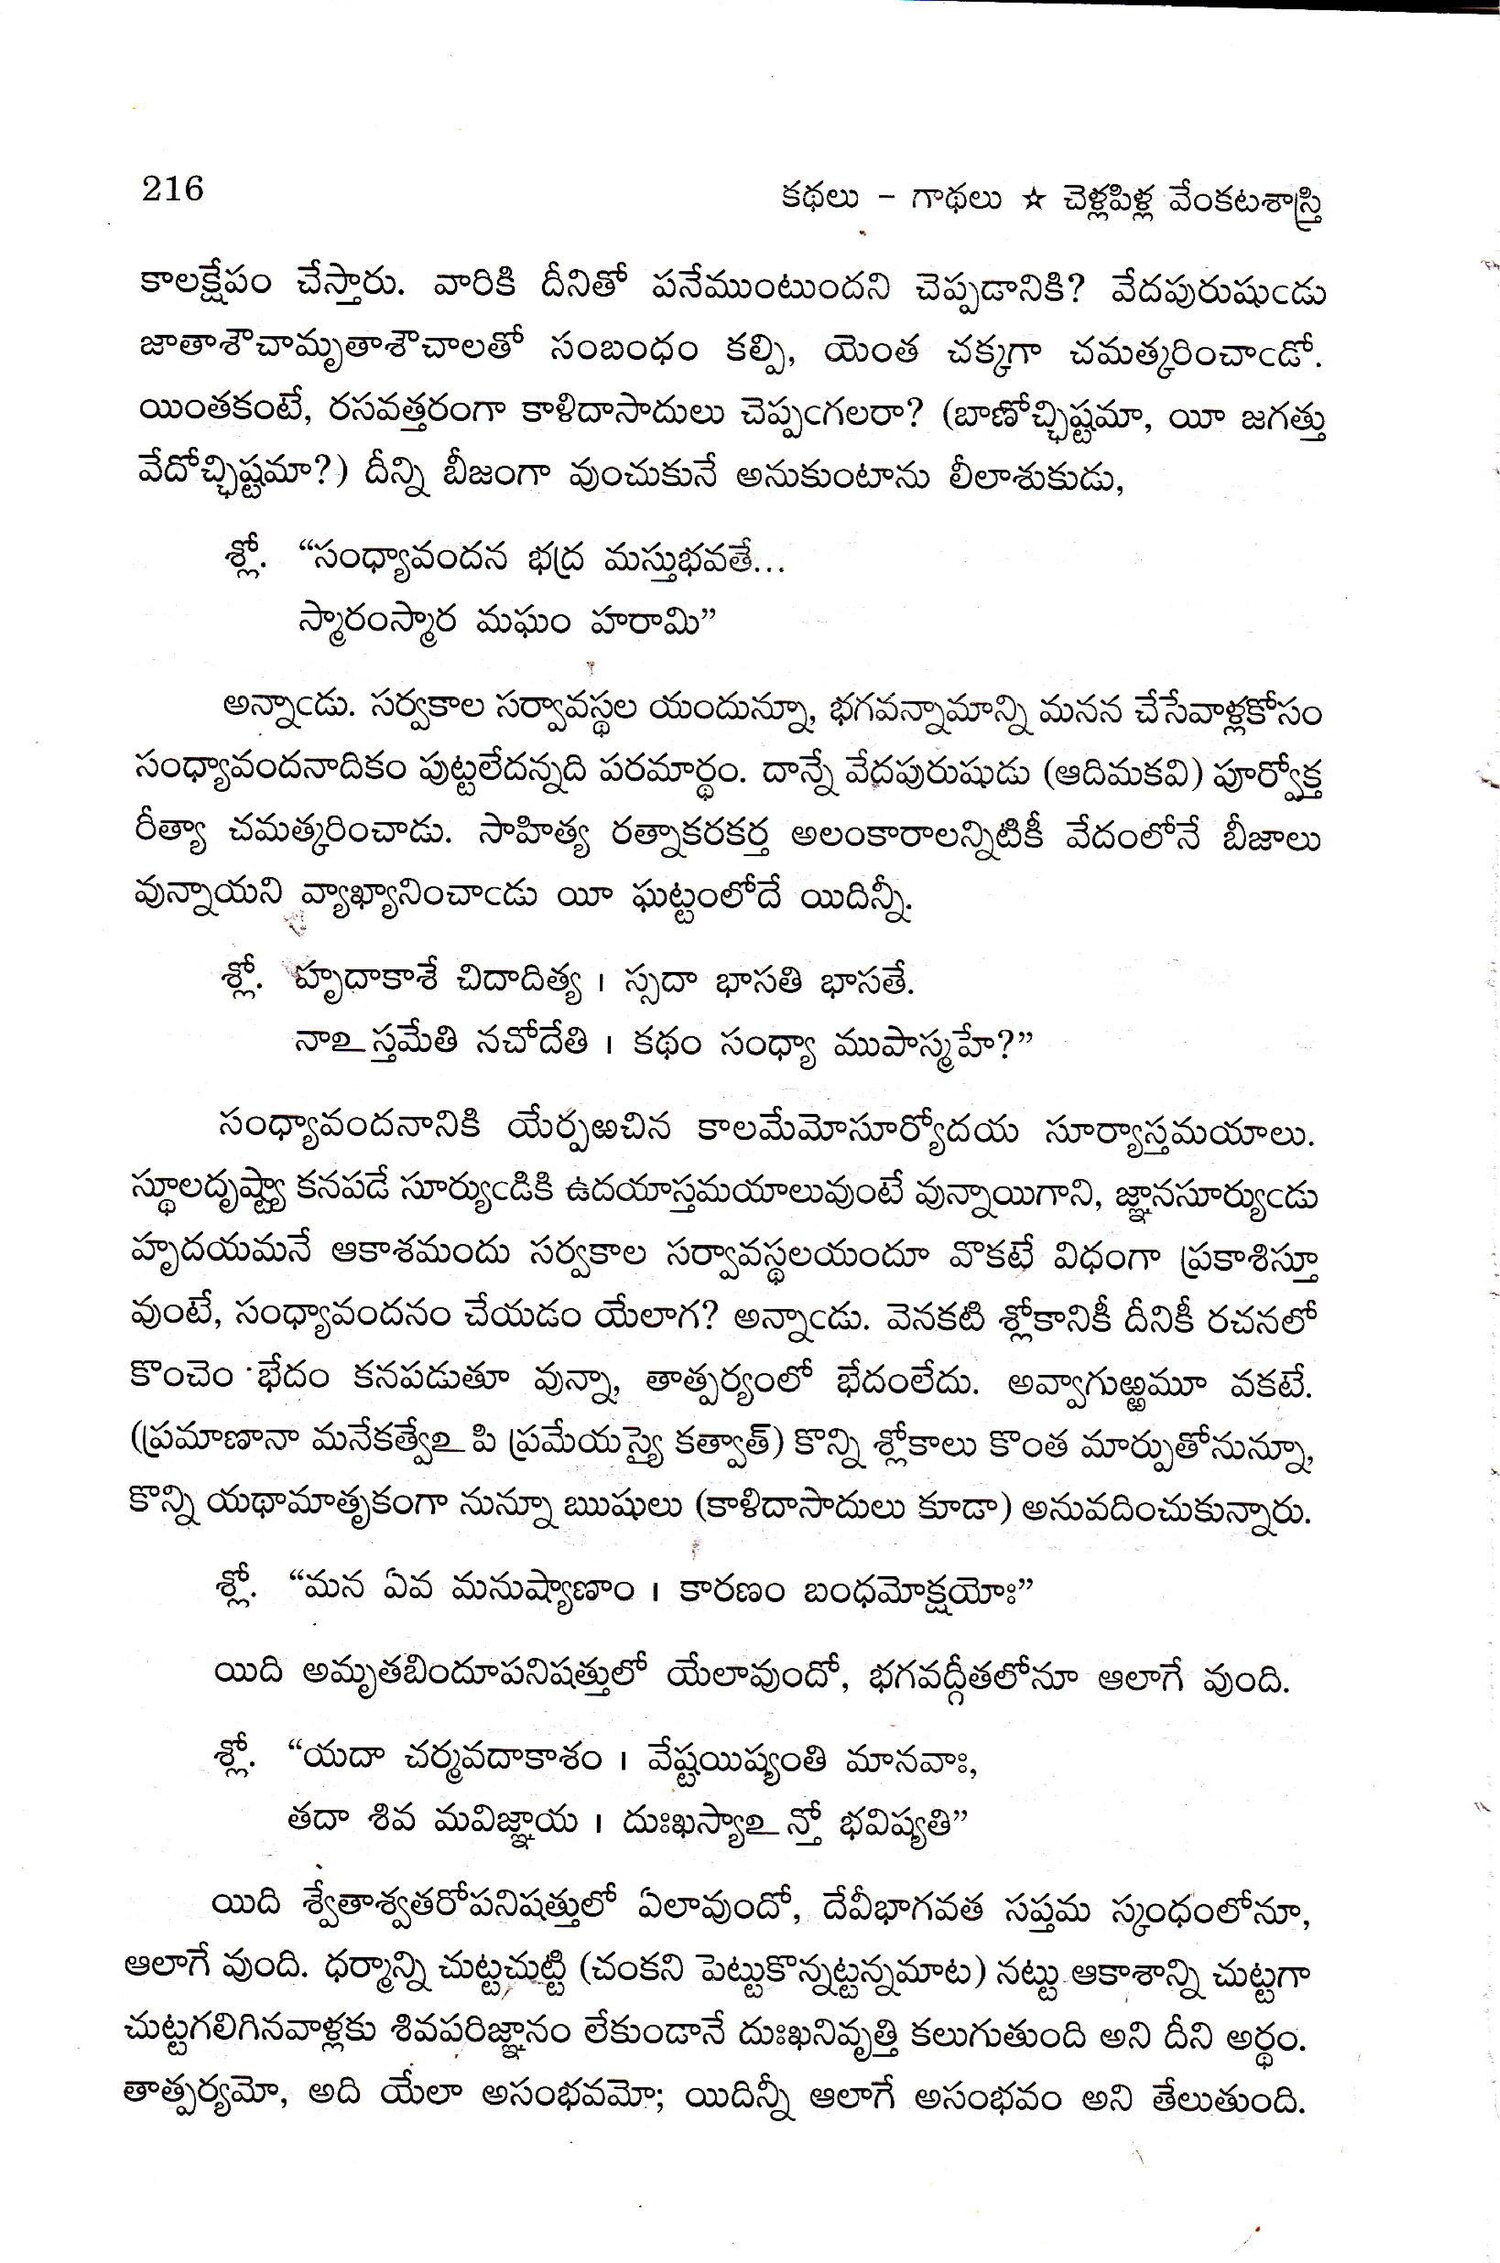కాలక్షేపం చేస్తారు. వారికి దీనితో పనేముంటుందని చెప్పడానికి? వేదపురుషుఁడు జాతాశౌచామృతాశౌచాలతో సంబంధం కల్పి, యెంత చక్కగా చమత్కరించాఁడో, యింతకంటే, రసవత్తరంగా కాళిదాసాదులు చెప్పఁగలరా? (బాణోచ్చిష్టమా, యీ జగత్తు వేదోచ్ఛిష్టమా?) దీన్ని బీజంగా వుంచుకునే అనుకుంటాను లీలాశుకుడు,

శ్లో. “సంధ్యావందన భద్ర మస్తుభవతే... 
 స్మారంస్మార మఘం హరామి"
అన్నాఁడు. సర్వకాల సర్వావస్థల యందున్నూ, భగవన్నామాన్ని మనన చేసేవాళ్లకోసం సంధ్యావందనాదికం పుట్టలేదన్నది పరమార్థం. దాన్నే వేదపురుషుడు (ఆదిమకవి) పూర్వోక్తరీత్యా చమత్కరించాడు. సాహిత్య రత్నాకరకర్త అలంకారాలన్నిటికీ వేదంలోనే బీజాలు వున్నాయని వ్యాఖ్యానించాఁడు యీ ఘట్టంలోదే యిదిన్నీ

శ్లో. "హృదాకాశే చిదాదిత్య | స్పదా భాసతి భాసతే.
 నా౽స్తమేతి నచోదేతి | కథం సంధ్యా ముపాస్మహే?” -
సంధ్యావందనానికి యేర్పఱచిన కాలమేమోసూర్యోదయ సూర్యాస్తమయాలు. స్థూలదృష్ట్యా కనపడే సూర్యుఁడికి ఉదయాస్తమయాలువుంటే వున్నాయిగాని, జ్ఞానసూర్యుఁడు హృదయమనే ఆకాశమందు సర్వకాల సర్వావస్థలయందూ వొకటే విధంగా ప్రకాశిస్తూ వుంటే, సంధ్యావందనం చేయడం యేలాగ? అన్నాఁడు. వెనకటి శ్లోకానికీ దీనికీ రచనలో కొంచెం భేదం కనపడుతూ వున్నా తాత్పర్యంలో భేదంలేదు. అవ్వాగుఱ్ఱమూ వకటే. (ప్రమాణానా మనేకత్వే౽పి ప్రమేయస్యైకత్వాత్) కొన్ని శ్లోకాలు కొంత మార్పుతోనున్నూ కొన్ని యథామాతృకంగా నున్నూ ఋషులు (కాళిదాసాదులు కూడా) అనువదించుకున్నారు.

శ్లో, “మన ఏవ మనుష్యాణాం | కారణం బంధమోక్షయో" 
యిది అమృతబిందూపనిషత్తులో యేలావుందో, భగవద్గీతలోనూ ఆలాగే వుంది. 

శ్లో, "యదా చర్మవదాకాశం వేష్టయిష్యంతి మానవాః,
 తదా శివ మవిజ్ఞాయ | దుఃఖస్యా౽న్తో భవిష్యతి"
యిది శ్వేతాశ్వతరోపనిషత్తులో ఏలావుందో, దేవీభాగవత సప్తమ స్కంధంలోనూ, ఆలాగే వుంది. ధర్మాన్ని చుట్టచుట్టి (చంకని పెట్టుకొన్నట్టన్నమాట) నట్టు ఆకాశాన్ని చుట్టగా చుట్టగలిగినవాళ్లకు శివపరిజ్ఞానం లేకుండానే దుఃఖనివృత్తి కలుగుతుంది అని దీని అర్థం. తాత్పర్యమో, అది యేలా అసంభవమో; యిదిన్నీ ఆలాగే అసంభవం అని తేలుతుంది.